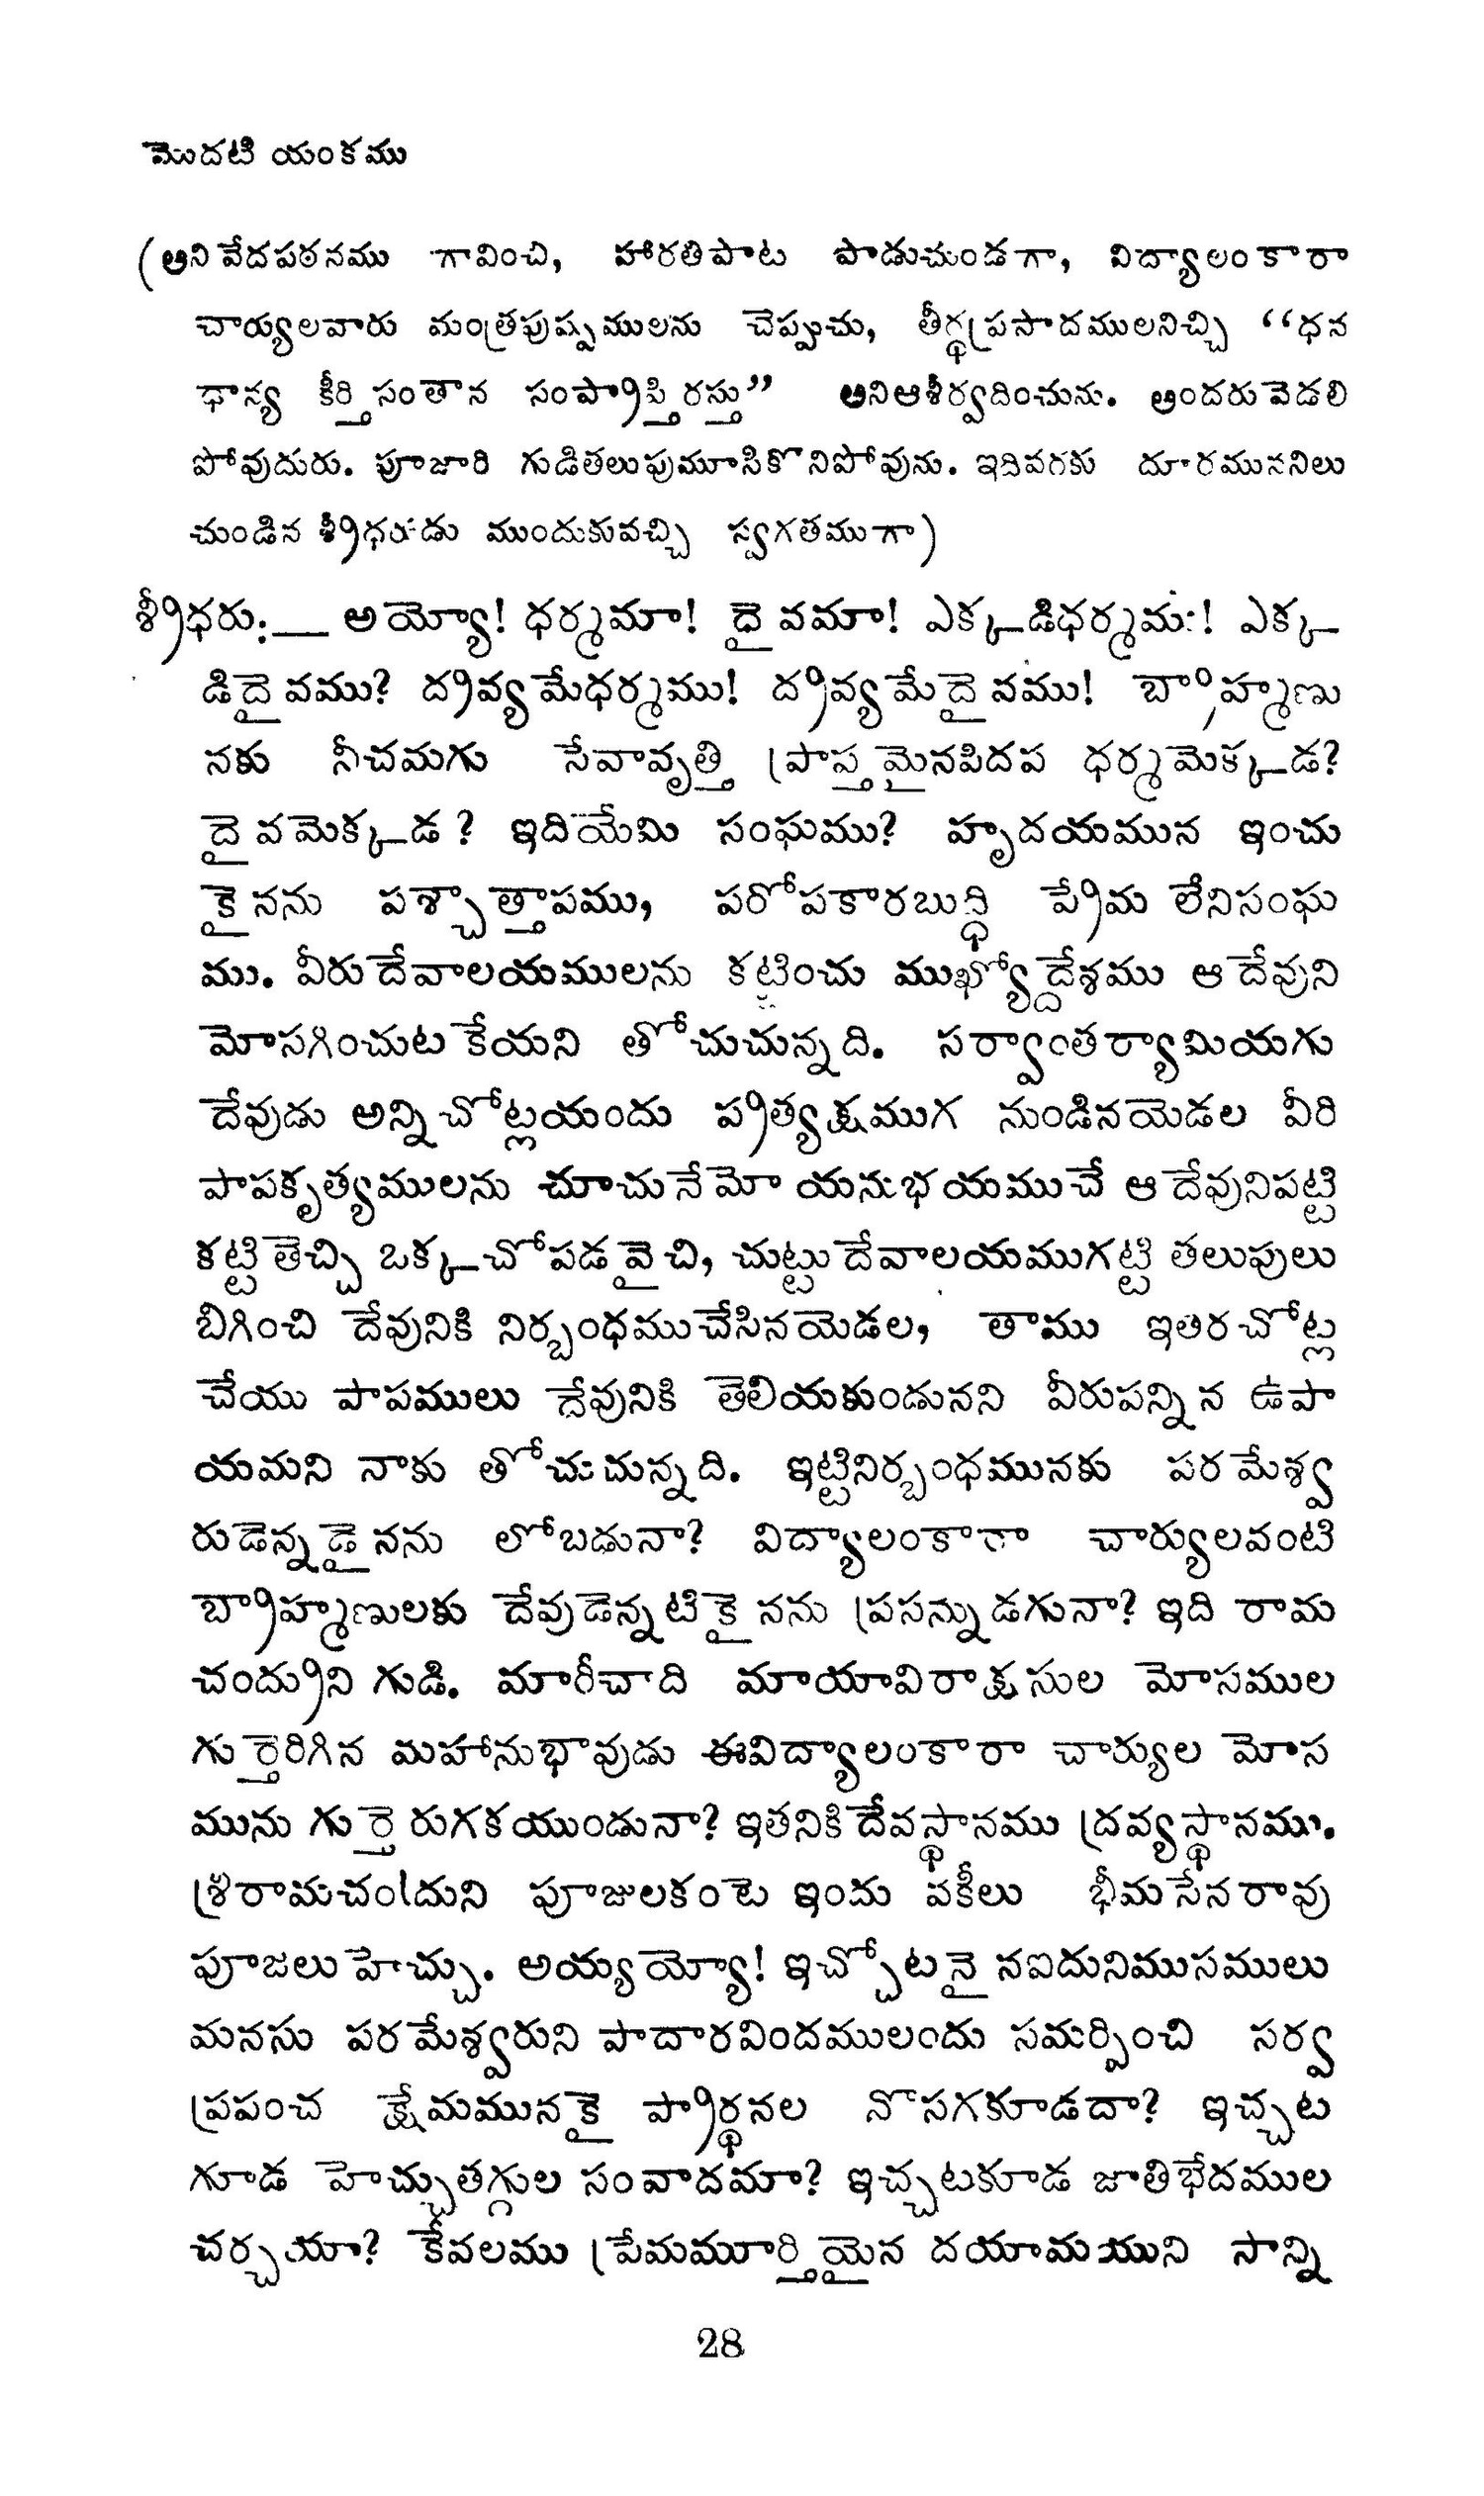హారతి పాట
(అని వేద పఠనము గావించి,పొడుచుండగా, విద్యాలంకారా
చార్యులవారు మంత్రపుష్పములను చెప్పుచు, తీర్థ ప్రసాదములనిచ్చి ((ధన
ధాన్య కీర్తి సంతాన సంప్రాప్తిరస్తు” అని ఆశీర్వదించును. అందరు పెడలి
పోవుదురు. పూజారి గుడితలుపుమూసికొనిపోవును. ఇదివరకు దూరమున నిలు
చుండిన శ్రీధరుడు ముందుకువచ్చి స్వగతముగా)

శ్రీధరు. _ అయ్యో! ధర్మమా! దైవమా! ఎక్కడిధర్మమ:! ఎక్క
డిదైవము? ద్రవ్య మేధర్మము! ద్రవ్య మేదై వము! బాహ్మణు
నకు నీచమగు సేవావృత్తి ప్రాప్త మైనపిదప ధర్మ మెక్కడ?
దైవ మెక్కడ ? ఇది యేమి సంఘము? హృదయమున ఇంచు
కై నను పశ్చాత్తాపము, పరోపకారబుద్ధి ప్రేమ లేని సంఘ
ము. వీరు దేవాలయములను కట్టించు ముఖ్యో దేశము ఆ దేవుని
మోసగించుట కేయని తోచుచున్నది. సర్వాంతర్యామియగు
దేవుడు అన్ని చోట్లయందు ప్రత్యక్షముగ నుండిన యెడల వీరి
పాపకృత్యములను చూచు నేమో యనుభయముచే ఆ దేవునిపట్టి
కట్టి తెచ్చి ఒక్కచోపడ వైచి, చుట్టు దేవాలయముగట్టి తలుపులు
బిగించి దేవునికి నిర్బంధము చేసినయెడల, తాము ఇతరచోట్ల
చేయు పాపములు దేవునికి తెలియకుండునని వీరుపన్ని న ఉపా
యమని నాకు తోచుచున్నది. ఇట్టి నిర్బంధమునకు పరమేశ్వ
రుడెన్న డైనను లోబడునా? విద్యాలంకాగా చార్యులవంటి
బాహ్మణులకు దేవు డెన్నటి కైనను ప్రసన్ను డగునా? ఇది రామ
చంద్రుని గుడి, మారీచాది మాయావి రాక్షసుల మోసముల
గుర్తెరిగిన మహానుభావుడు ఈవిద్యాలంకారా చార్యుల మోస
మును గుర్తెరుగక యుండునా? ఇతనికి దేవస్థానము ద్రవ్యస్థానము.
శ్రీరామచంద్రుని పూజులకంటె ఇందు పకీలు భీమ సేన
రావు పూజలు హేచ్చు. అయ్యయ్యో! ఇచ్చోటనైన ఐదునిముసములు
మనసు పరమేశ్వరుని పాదార విందములందు సమర్పించి సర్వ
ప్రపంచ క్షమమునకై ప్రార్థనల నొసగకూడదా? ఇచ్చట
గూడ హెచ్చుతగ్గుల సంవాదమా? ఇచ్చట కూడ జాతి భేదముల
చర్చయా? కేవలము (ప్రేమమూర్తి యైన దయామయుని సాన్ని